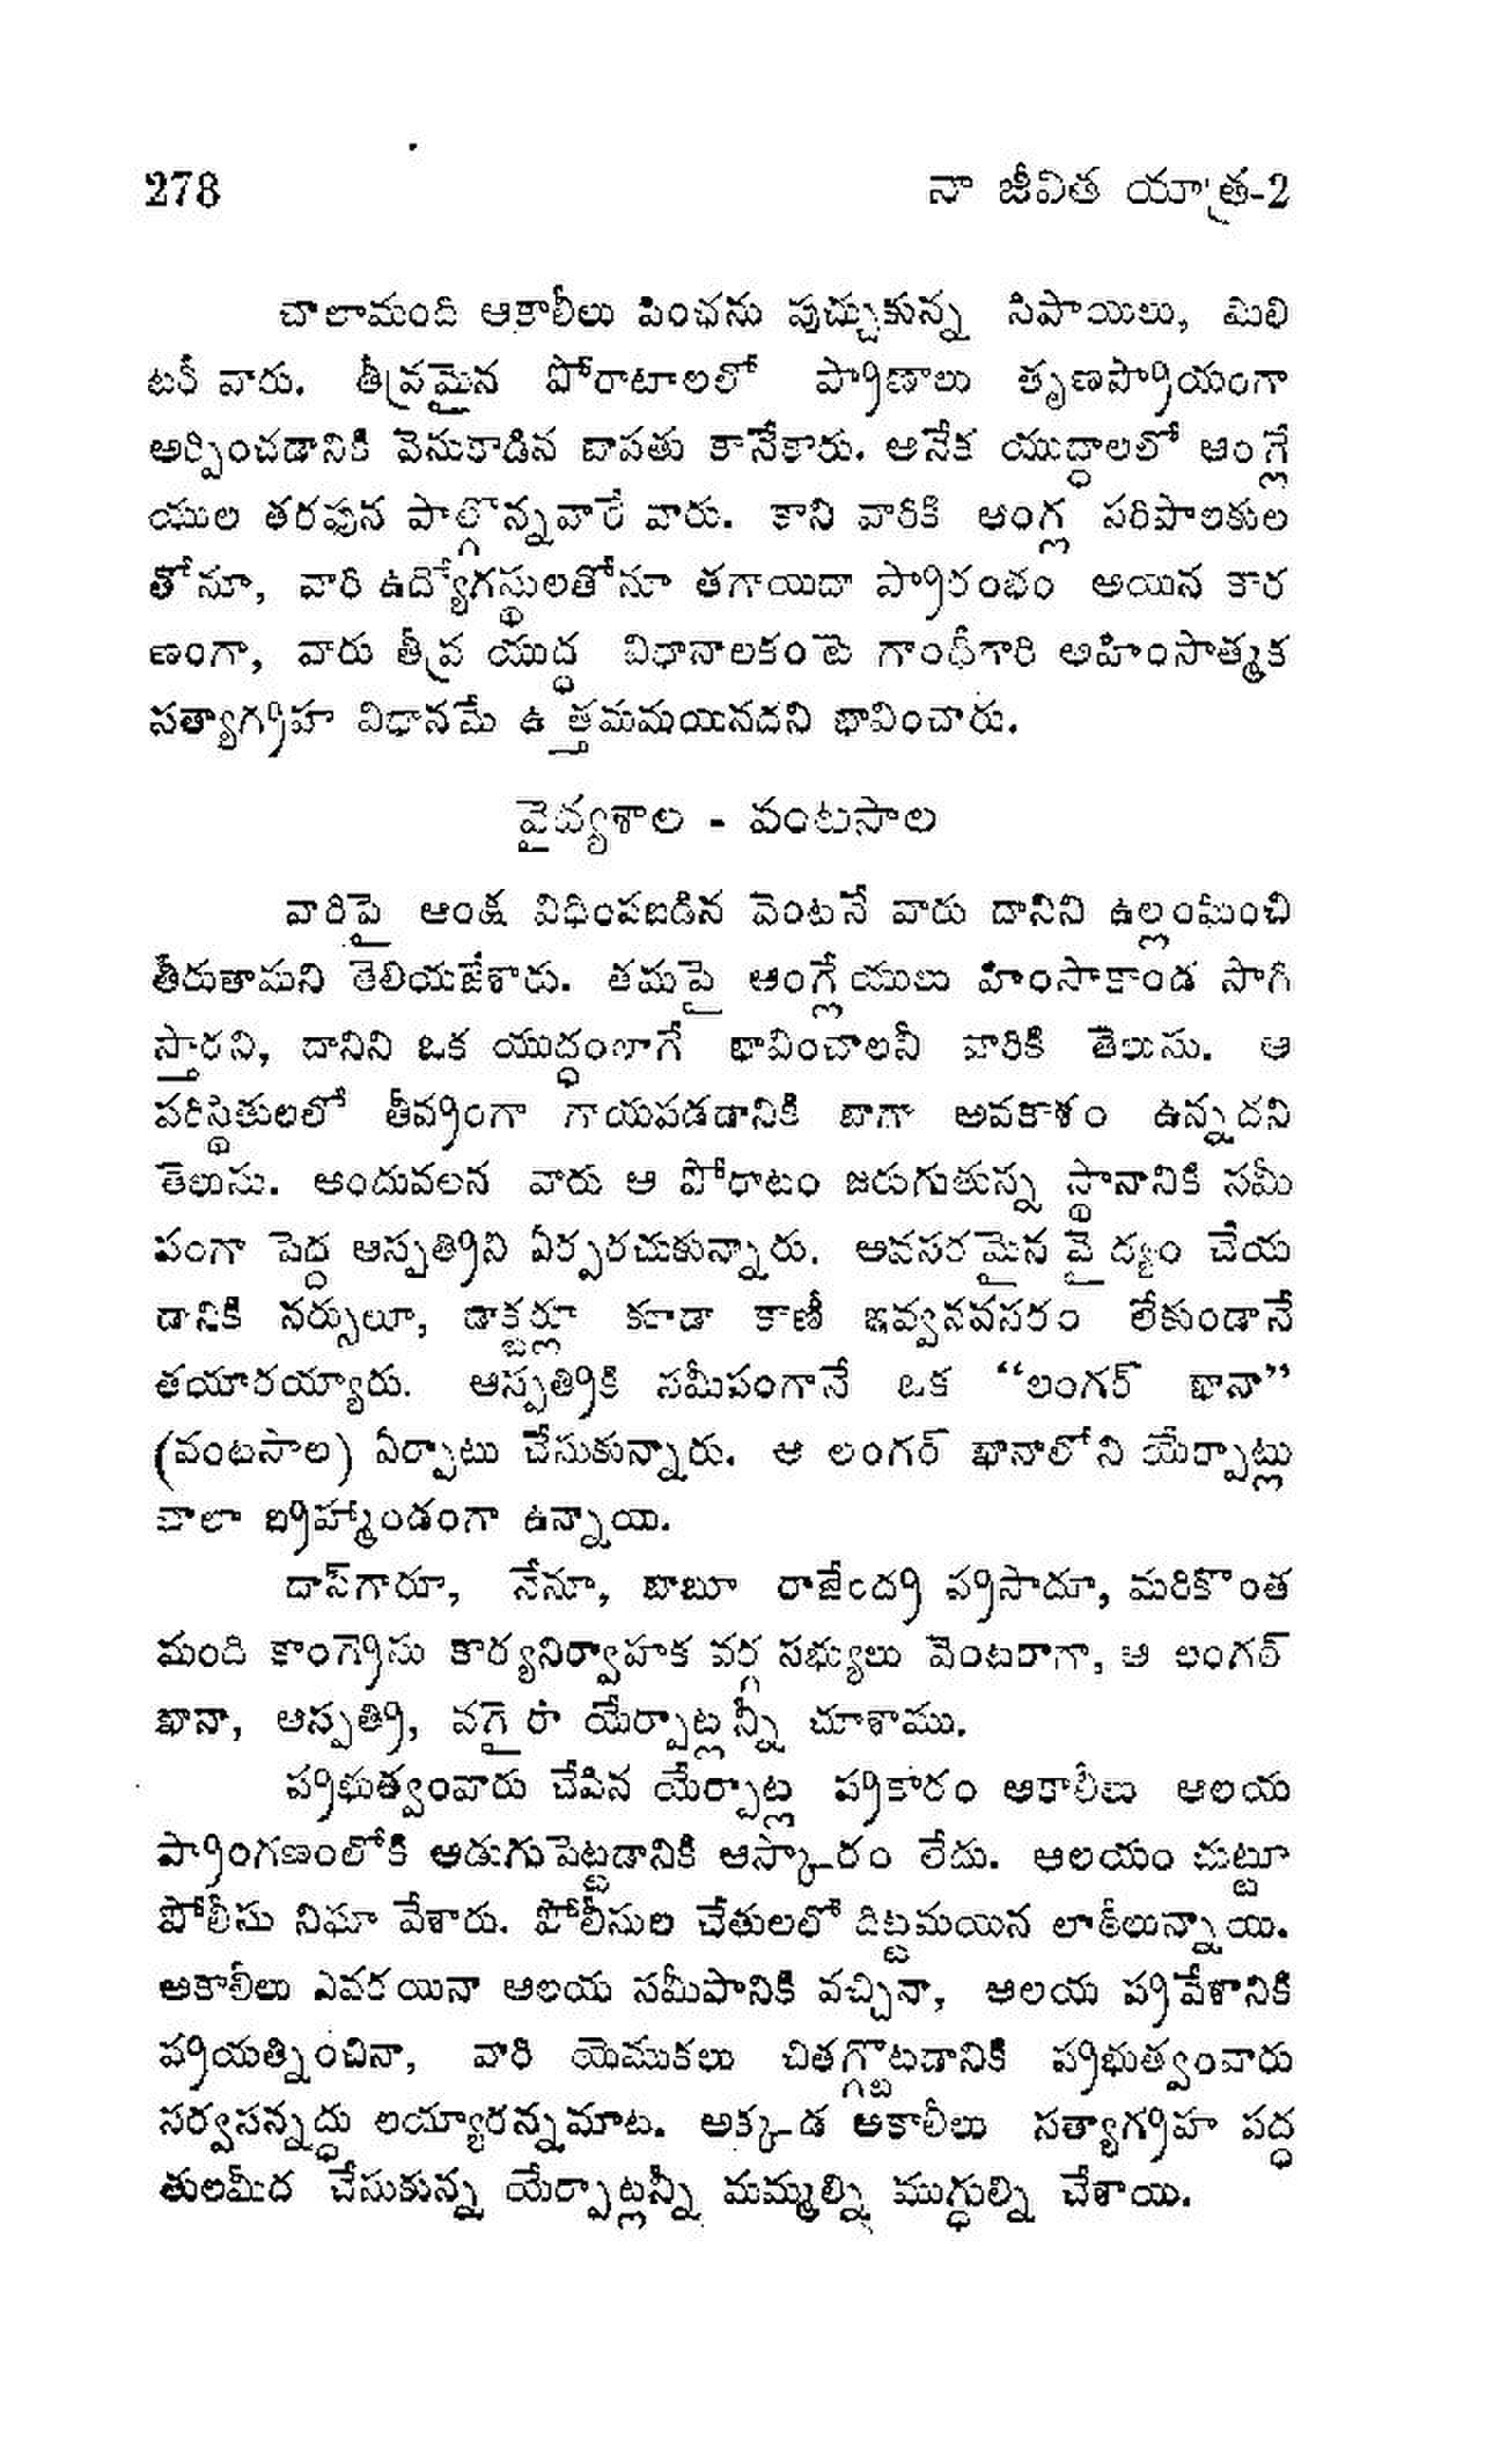చాలామంది అకాలీలు పించను పుచ్చుకున్న సిపాయిలు, మిలిటరీ వారు. తీవ్రమైన పోరాటాలలో ప్రాణాలు తృణప్రాయంగా అర్పించడానికి వెనుకాడిన బాపతు కానేకారు. అనేక యుద్ధాలలో ఆంగ్లేయల తరపున పాల్గొన్నవారే వారు. కాని వారికి ఆంగ్ల పరిపాలకులతోనూ, వారి ఉద్యోగస్థులతోనూ తగాయిదా ప్రారంభం అయిన కారణంగా, వారు తీవ్ర యుద్ధ విధానాలకంటె గాంధీగారి అహింసాత్మక సత్యాగ్రహ విధానమే ఉత్తమమయినదని భావించారు.

వారిపై ఆంక్ష విధింపబడిన వెంటనే వారు దానిని ఉల్లంఘించి తీరుతామని తెలియజేశారు. తమపై ఆంగ్లేయులు హింసాకాండ సాగిస్తారని, దానిని ఒక యుద్ధంలాగే భావించాలనీ వారికి తెలుసు. ఆ పరిస్థితులలో తీవ్రంగా గాయపడడానికి బాగా అవకాశం ఉన్నదని తెలుసు. అందువలన వారు ఆ పోరాటం జరుగుతున్న స్థానానికి సమీపంగా పెద్ద ఆస్పత్రిని ఏర్పరచుకున్నారు. అవసరమైన వైద్యం చేయడానికి నర్సులూ, డాక్టర్లూ కూడా కాణీ ఇవ్వనవసరం లేకుండానే తయారయ్యారు. ఆస్పత్రికి సమీపంగానే ఒక "లంగర్ ఖానా" (వంటసాల) ఏర్పాటు చేసుకున్నారు. ఆ లంగర్ ఖానాలోని యేర్పాట్లు చాలా బ్రహ్మాండంగా ఉన్నాయి.

దాస్‌గారూ, నేనూ, బాబూ రాజేంద్రప్రసాదూ, మరికొంత మంది కాంగ్రెసు కార్యనిర్వాహక వర్గ సభ్యులు వెంటరాగా, ఆ లంగర్ ఖానా, ఆస్పత్రి, వగైరా యేర్పాట్లన్నీ చూశాము.

ప్రభుత్వంవారు చేసిన యేర్పాట్ల ప్రకారం అకాలీలు ఆలయ ప్రాంగణంలోకి అడుగుపెట్టడానికి ఆస్కారంలేదు. ఆలయం చుట్టూ పోలీసు నిఘా వేశారు. పోలీసుల చేతులలో దిట్టమయిన లాఠీలున్నాయి. అకాలీలు ఎవరయిన ఆలయ సమీపానికి వచ్చినా, ఆలయ ప్రవేశానికి ప్రయత్నించినా, వారి యెముకలు చితగ్గొట్టడానికి ప్రభుత్వంవారు సర్వసన్నద్ధు లయ్యారన్నమాట. అక్కడ అకాలీలు సత్యాగ్రహ పద్ధతులమీద చేసుకున్న యేర్పాట్లన్నీ మమ్మల్ని ముగ్ధుల్ని చేశాయి.